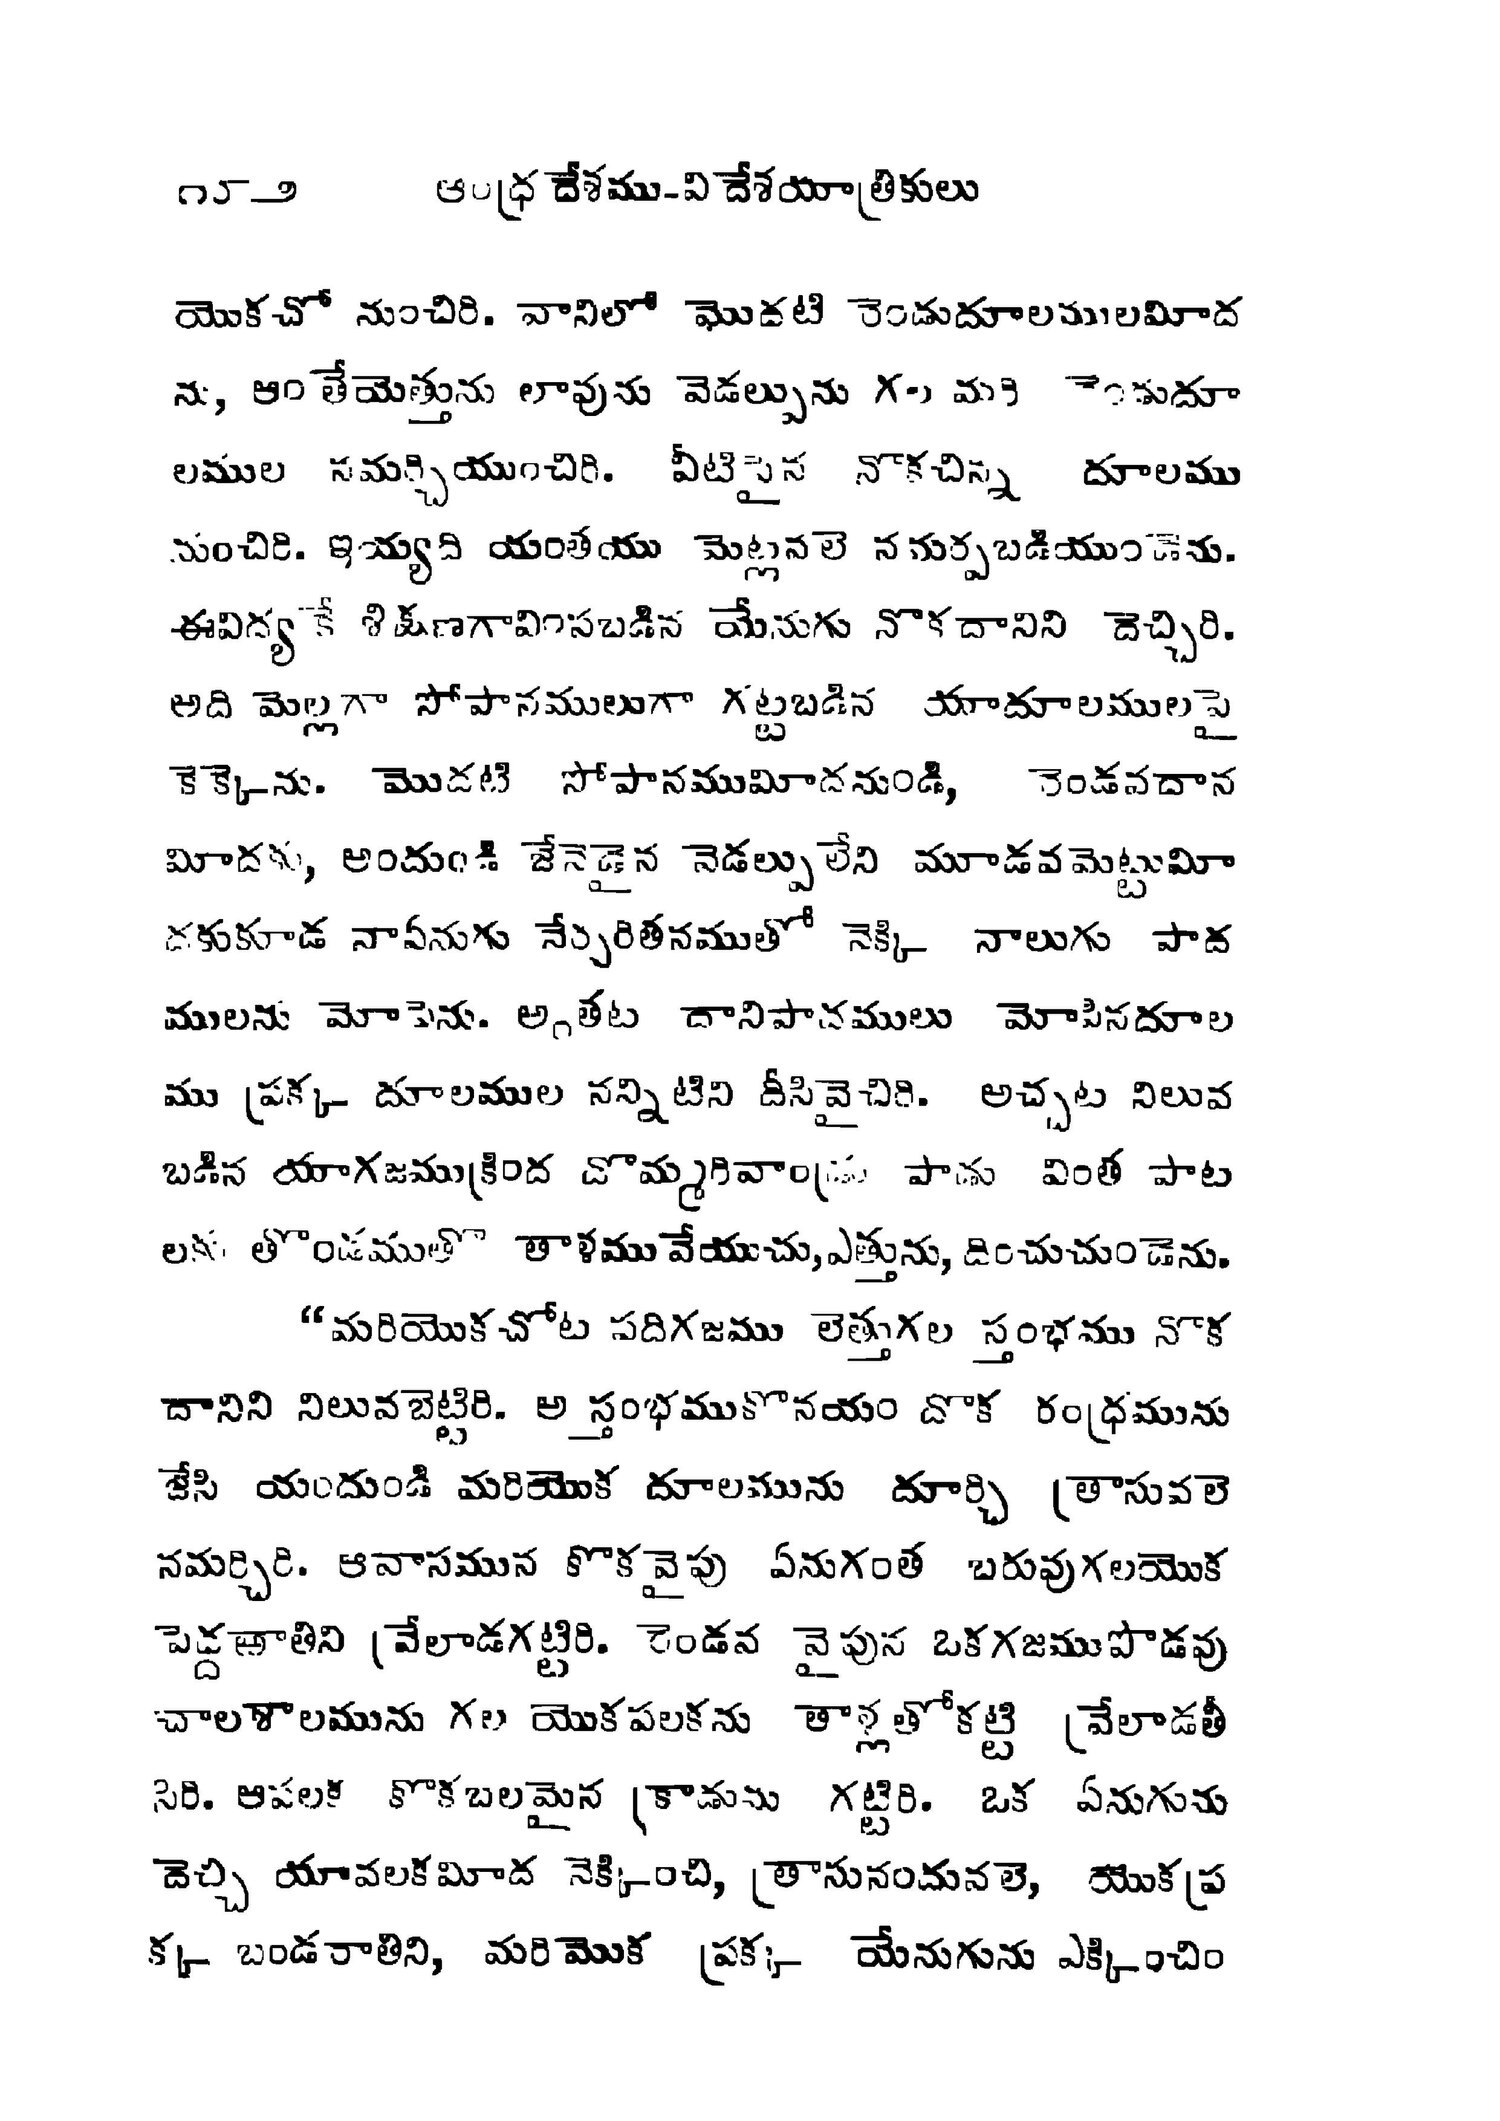యొకచో నుంచిరి. వానిలో మొదటి రెండుదూలముల మీదను, అంతేయెత్తును లావును వెడల్పును గల మరి రెండుదూలముల నమర్చియుంచిరి. వీటిపైన నొకచిన్న దూలము నుంచిరి. ఇయ్యది యంతయు మెట్లవలె నమర్పబడి యుండెను. ఈవిద్యకే శిక్షణగావింపబడిన యేనుగు నొకదానిని దెచ్చిరి. అది మెల్లగా సోపానములుగా గట్టబడిన యాదూలములపై కెక్కెను. మొదటి సోపానము మీదనుండి, రెండవదానమీదకు, అందుండి జేనెడైన వెడల్పులేని మూడవమెట్టు మీదకుకూడ నాఏనుగు నేర్పరితనముతో నెక్కి నాలుగు పాదములను మోపెను. అంతట దానిపాదములు మోపినదూలము ప్రక్క దూలముల నన్నిటిని దీసివైచిరి. అచ్చట నిలువబడిన యాగజము క్రింద దొమ్మరివాండ్రు పాడు వింత పాటలకు తొండముతో తాళము వేయుచు, ఎత్తును, దించుచుండెను.

"మరియొక చోట పదిగజము లెత్తుగల స్తంభము నొక దానిని నిలువబెట్టిరి. అ స్తంభము కొనయం దొక రంధ్రమును జేసి యందుండి మరియొక దూలమును దూర్చి త్రాసువలె నమర్చిరి. ఆవాసమున కొకవైపు ఏనుగంత బరువుగలయొక పెద్దఱాతిని వ్రేలాడగట్టిరి. రెండవ వైపున ఒకగజము పొడవు చాలశాలమును గల యొకపలకను తాళ్ళతోకట్టి వ్రేలాడతీసిరి. ఆపలక కొకబలమైన త్రాడును గట్టిరి. ఒక ఏనుగును దెచ్చి యాపలకమీద నెక్కించి, త్రాసునందువలె, యొకప్రక్క బండరాతిని, మరియొక ప్రక్క యేనుగును ఎక్కించిం